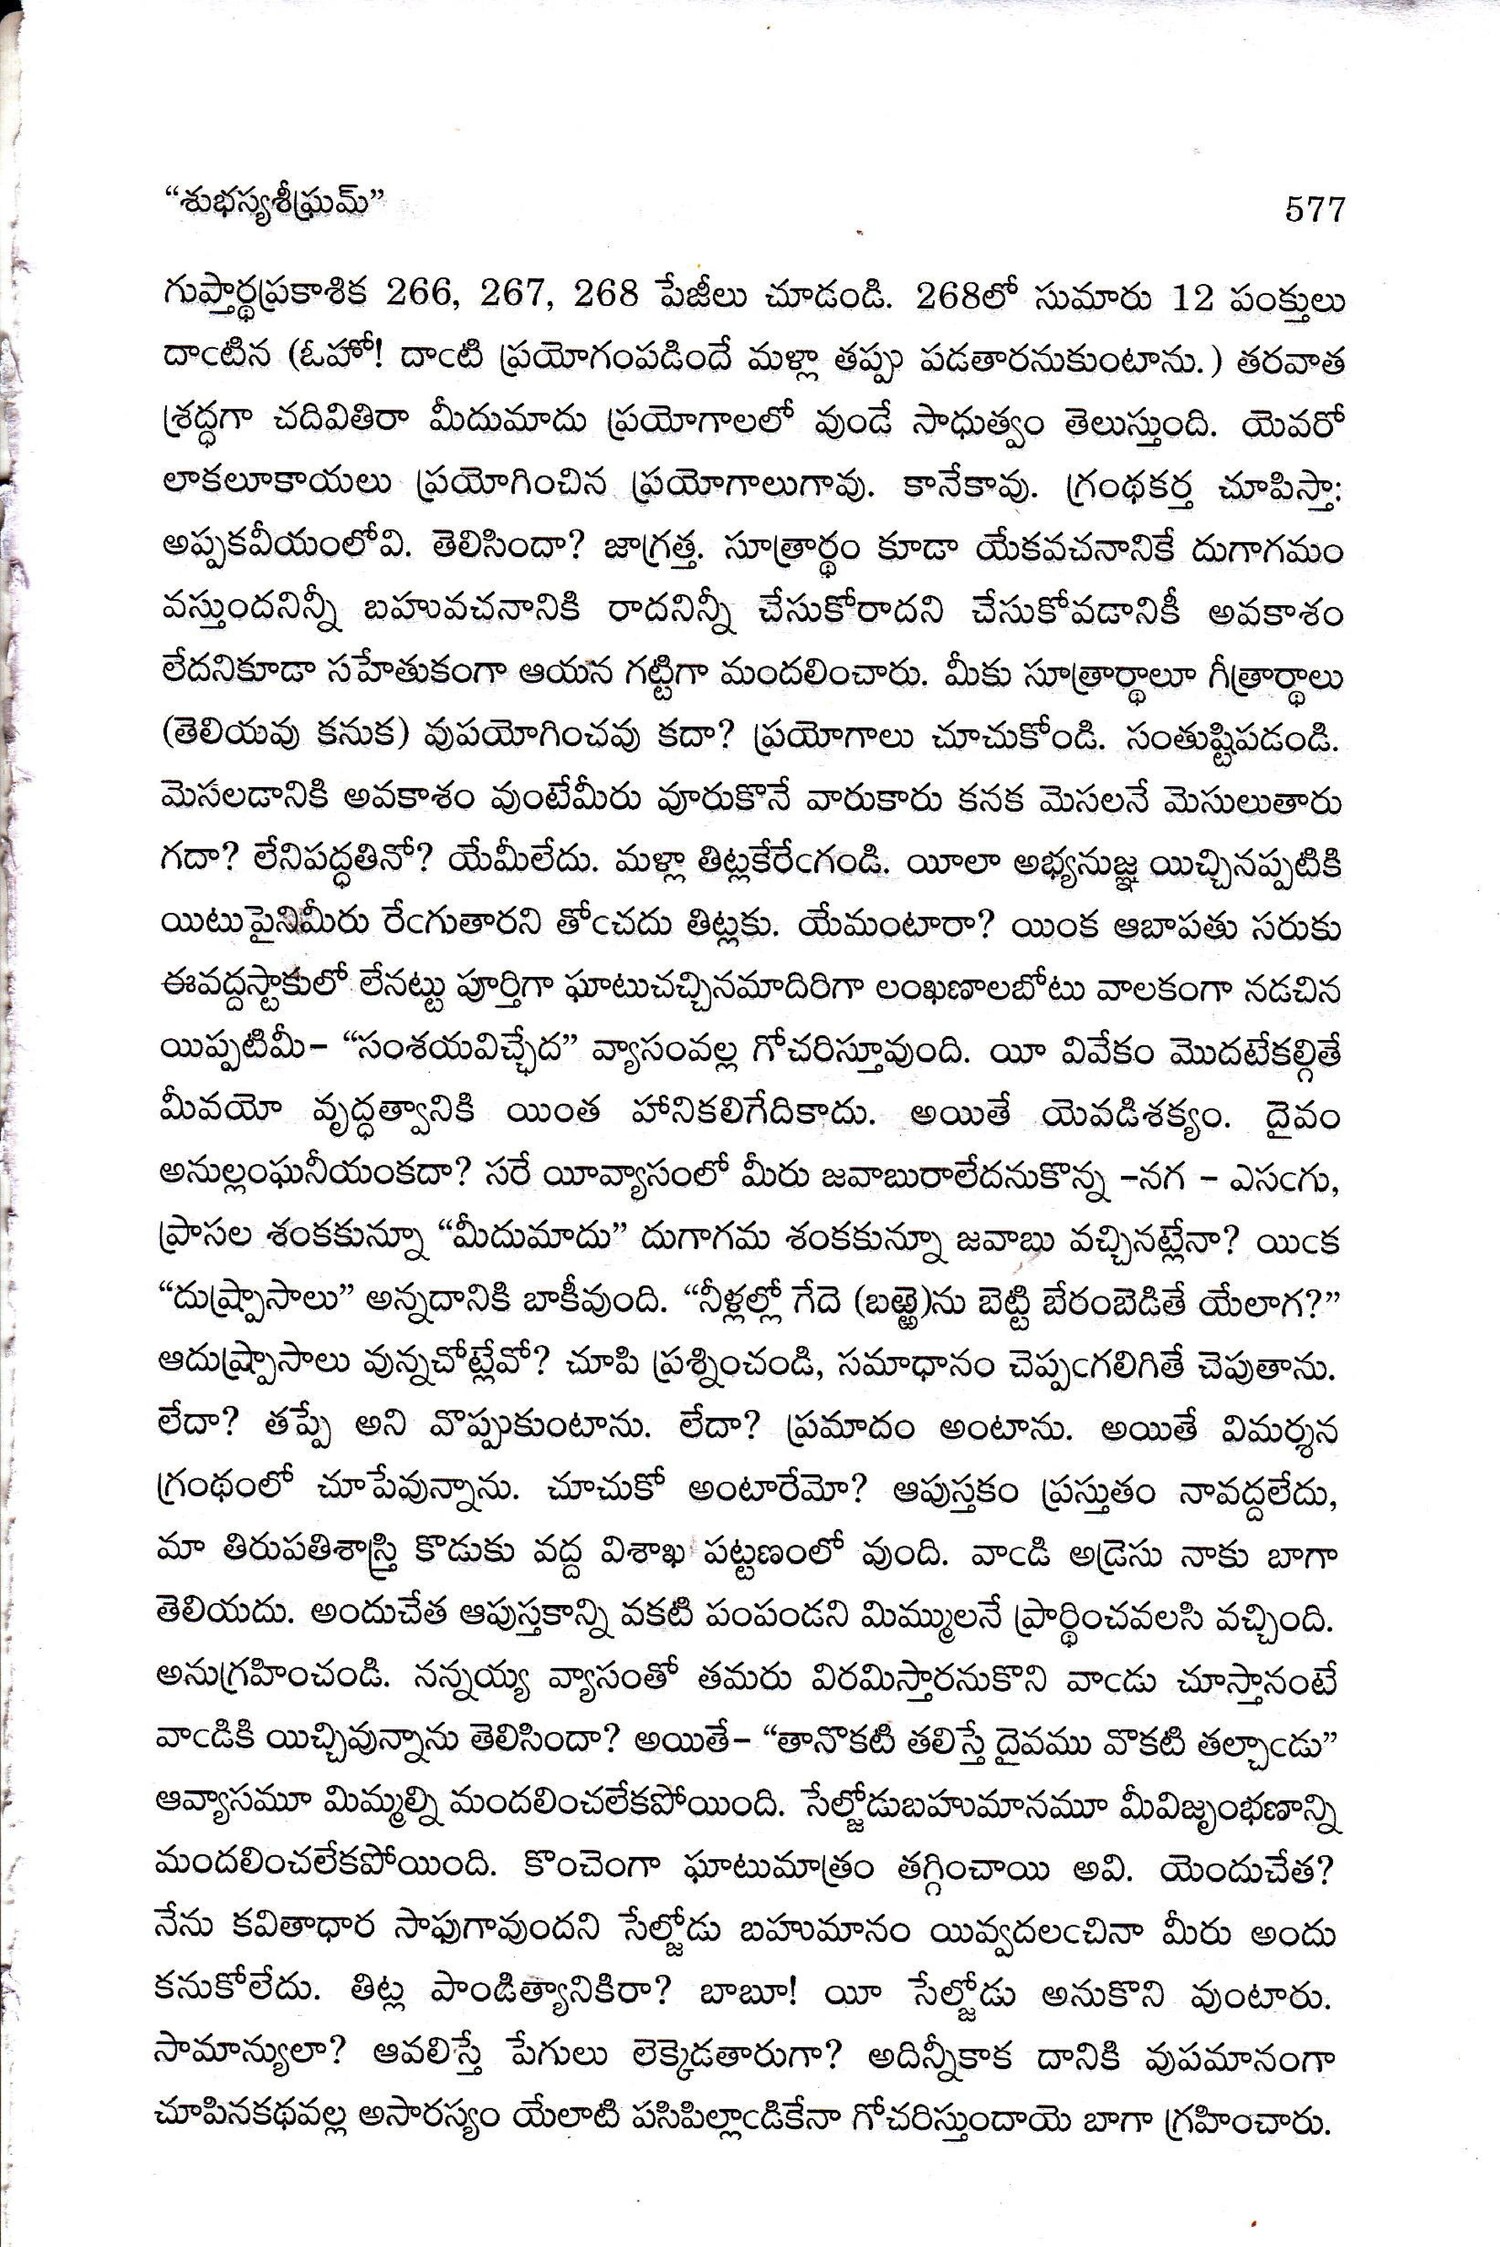గుప్తార్ధప్రకాశిక 266, 267, 268 పేజీలు చూడండి. 268లో సుమారు 12 పంక్తులు దాఁటిన (ఓహో! దాఁటి ప్రయోగంపడిందే మళ్లా తప్పు పడతారనుకుంటాను.) తరవాత శ్రద్ధగా చదివితిరా మీదుమాదు ప్రయోగాలలో వుండే సాధుత్వం తెలుస్తుంది. యెవరో లాకలూకాయలు ప్రయోగించిన ప్రయోగాలుగావు. కానేకావు. గ్రంథకర్త చూపిస్తా: అప్పకవీయంలోవి. తెలిసిందా? జాగ్రత్త సూత్రార్థం కూడా యేకవచనానికే దుగాగమం వస్తుందనిన్నీ బహువచనానికి రాదనిన్నీ చేసుకోరాదని చేసుకోవడానికీ అవకాశం లేదనికూడా సహేతుకంగా ఆయన గట్టిగా మందలించారు. మీకు సూత్రార్థాలూ గీత్రార్థాలు (తెలియవు కనుక) వుపయోగించవు కదా? ప్రయోగాలు చూచుకోండి. సంతుష్టిపడండి. మెసలడానికి అవకాశం వుంటేమీరు వూరుకొనే వారుకారు కనక మెసలనే మెసులుతారు గదా? లేనిపద్ధతినో? యేమీలేదు. మళ్లా తిట్లకేరేఁగండి. యీలా అభ్యనుజ్ఞ యిచ్చినప్పటికి యిటుపైనిమీరు రేఁగుతారని తోఁచదు తిట్లకు. యేమంటారా? యింక ఆబాపతు సరుకు ఈవద్దస్టాకులో లేనట్టు పూర్తిగా ఘాటుచచ్చినమాదిరిగా లంఖణాలబోటు వాలకంగా నడచిన యిప్పటిమీ - "సంశయవిచ్చేద" వ్యాసంవల్ల గోచరిస్తూవుంది. యీ వివేకం మొదటేకల్గితే మీవయో వృద్ధత్వానికి యింత హానికలిగేదికాదు. అయితే యెవడిశక్యం. దైవం అనుల్లంఘనీయంకదా? సరే యీవ్యాసంలో మీరు జవాబురాలేదనుకొన్న-నగ - ఎసఁగు, ప్రాసల శంకకున్నూ “మీదుమాదు" దుగాగమ శంకకున్నూ జవాబు వచ్చినట్లేనా? యిఁక “దుప్ప్రాసాలు" అన్నదానికి బాకీవుంది. "నీళ్లల్లో గేదె (బఱ్ఱె)ను బెట్టి బేరంబెడితే యేలాగ?" ఆదుష్ప్రాసాలు వున్నచోట్లేవో ? చూపి ప్రశ్నించండి, సమాధానం చెప్పఁగలిగితే చెపుతాను. లేదా? తప్పే అని వొప్పుకుంటాను. లేదా? ప్రమాదం అంటాను. అయితే విమర్శన గ్రంథంలో చూపేవున్నాను. చూచుకో అంటారేమో? ఆపుస్తకం ప్రస్తుతం నావద్దలేదు, మా తిరుపతిశాస్త్రి కొడుకు వద్ద విశాఖ పట్టణంలో వుంది. వాఁడి అడ్రెసు నాకు బాగా తెలియదు. అందుచేత ఆపుస్తకాన్ని వకటి పంపండని మిమ్ములనే ప్రార్ధించవలసి వచ్చింది. అనుగ్రహించండి. నన్నయ్య వ్యాసంతో తమరు విరమిస్తారనుకొని వాఁడు చూస్తానంటే వాఁడికి యిచ్చివున్నాను తెలిసిందా? అయితే- “తానొకటి తలిస్తే దైవము వొకటి తల్చాఁడు" ఆవ్యాసమూ మిమ్మల్ని మందలించలేకపోయింది. సేల్జోడుబహుమానమూ మీవిజృంభణాన్ని మందలించలేకపోయింది. కొంచెంగా ఘాటుమాత్రం తగ్గించాయి అవి. యెందుచేత? నేను కవితాధార సాఫుగావుందని సేల్జోడు బహుమానం యివ్వదలఁచినా మీరు అందు కనుకోలేదు. తిట్ల పాండిత్యానికిరా? బాబూ! యీ సేల్జోడు అనుకొని వుంటారు. సామాన్యులా? ఆవలిస్తే పేగులు లెక్కెడతారుగా? అదిన్నీకాక దానికి వుపమానంగా చూపినకథవల్ల అసారస్యం యేలాటి పసిపిల్లాఁడికేనా గోచరిస్తుందాయె బాగా గ్రహించారు.